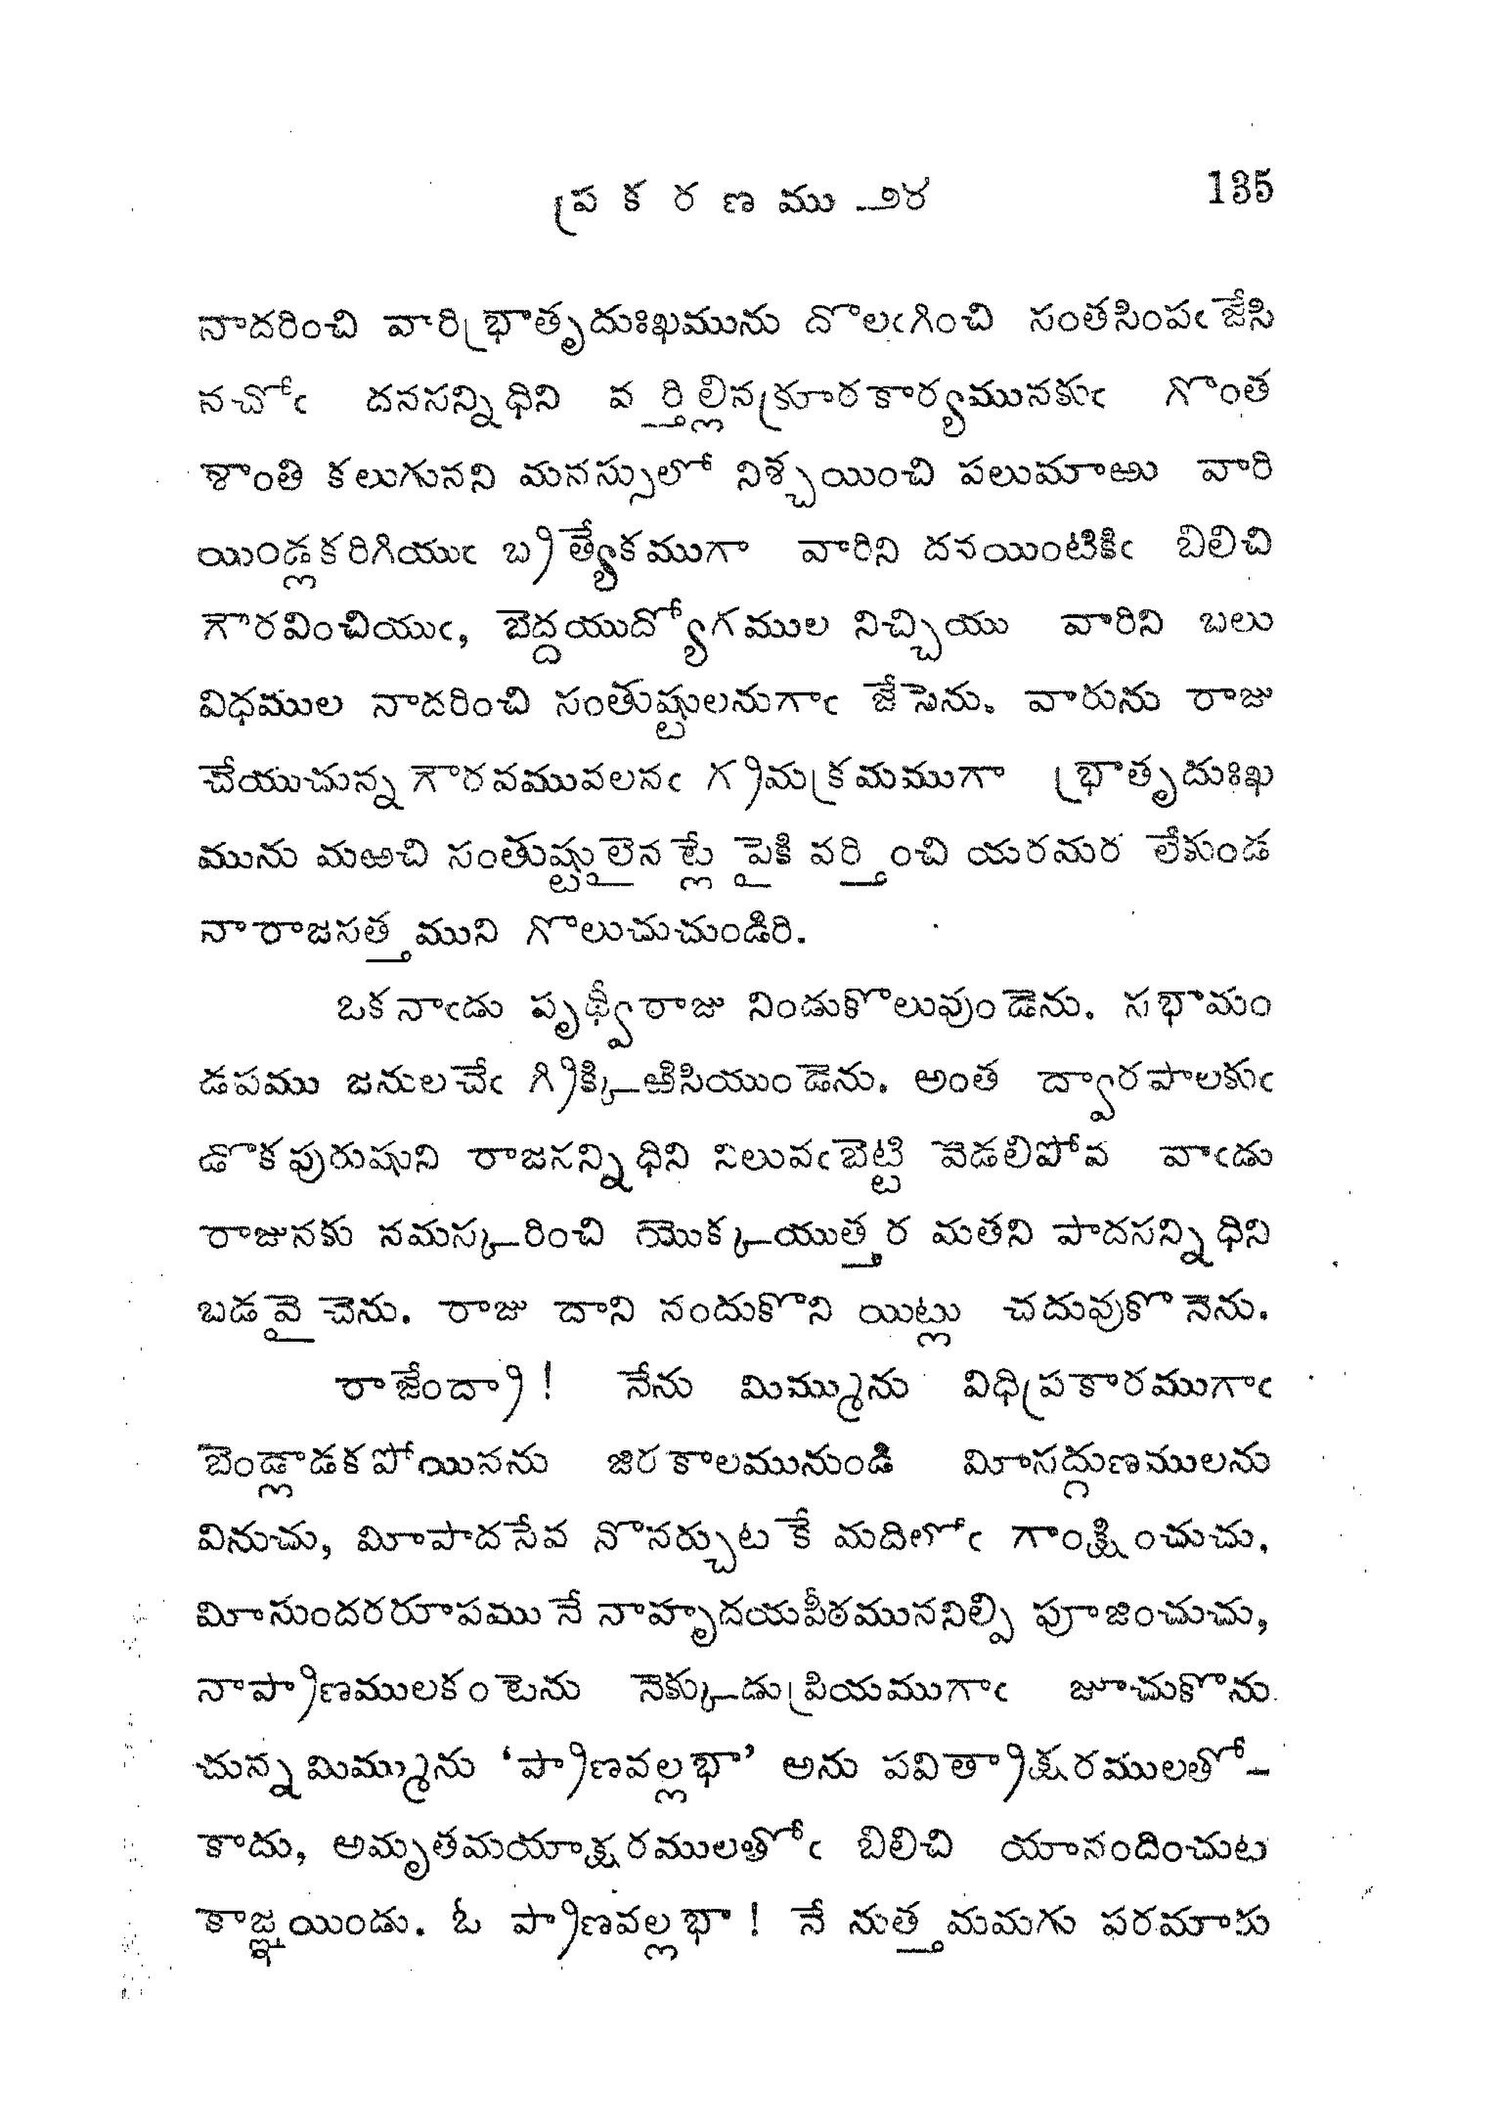నాదరించి వారిభ్రాతృ దుఃఖమును దొలఁగించి సంతసింపఁ జేసి
నచోఁ దనసన్నిధిని వర్తిల్లిన క్రూర కార్యమునకుఁ గొంత
శాంతి కలుగునని మనస్సులో నిశ్చయించి పలుమాఱు వారి
యిండ్ల కరిగియుఁ బ్ర త్యేకముగా వారిని దనయింటికిఁ బిలిచి
గౌరవించియుఁ, బెద్ద యుద్యోగముల నిచ్చియు వారిని బలు
విధముల నాదరించి సంతుష్టులనుగాఁ జేసెను. వారును రాజు
చేయుచున్న గౌరవమువలనఁ గ్రమక్రమముగా భ్రాతృదుఃఖ
మును మఱచి సంతుష్టు లైనట్లే పైకి వర్తించి యరమర లేకుండ
నా రాజసత్త ముని గొలుచుచుండిరి.

ఒక నాఁడు పృథ్వీరాజు నిండుకొలువుం డెను. సభామం
డపము జనుల చేఁ గిక్కిఱిసియుండెను. అంత ద్వారపాలకుఁ
డొక పురుషుని రాజసన్నిధిని సిలువఁ బెట్టి వెడలిపోవ వాడు
రాజునకు నమస్కరించి యొక్క యుత్తర మతని పాద సన్నిధిని
బడ వైచెను. రాజు దాని నందుకొని యిట్లు చదువుకొనెను.

రాజేంద్రా! నేను మిమ్మును విధిప్రకారముగాఁ
బెండ్లాడక పోయినను జిరకాలమునుండి మోసద్గుణములను
వినుచు, మీపాద సేవ నొనర్చుటకే మదిలోఁ గాంక్షించుచు,
మీ సుందర రూపము నే నాహృదయపీఠమున నిల్పి పూజించుచు,
నాప్రాణముల కంటెను నెక్కుడు ప్రియముగాఁ జూచుకొను.
చున్న మిమ్మును 'ప్రాణవల్లభా' అను పవిత్రాక్షరములతో-
కాదు, అమృతమయాక్షరములతోఁ బిలిచి యానందించుట
కాజ యిండు. ఓ ప్రాణవల్లభా ! నే నుత్త మమగు పరమారు